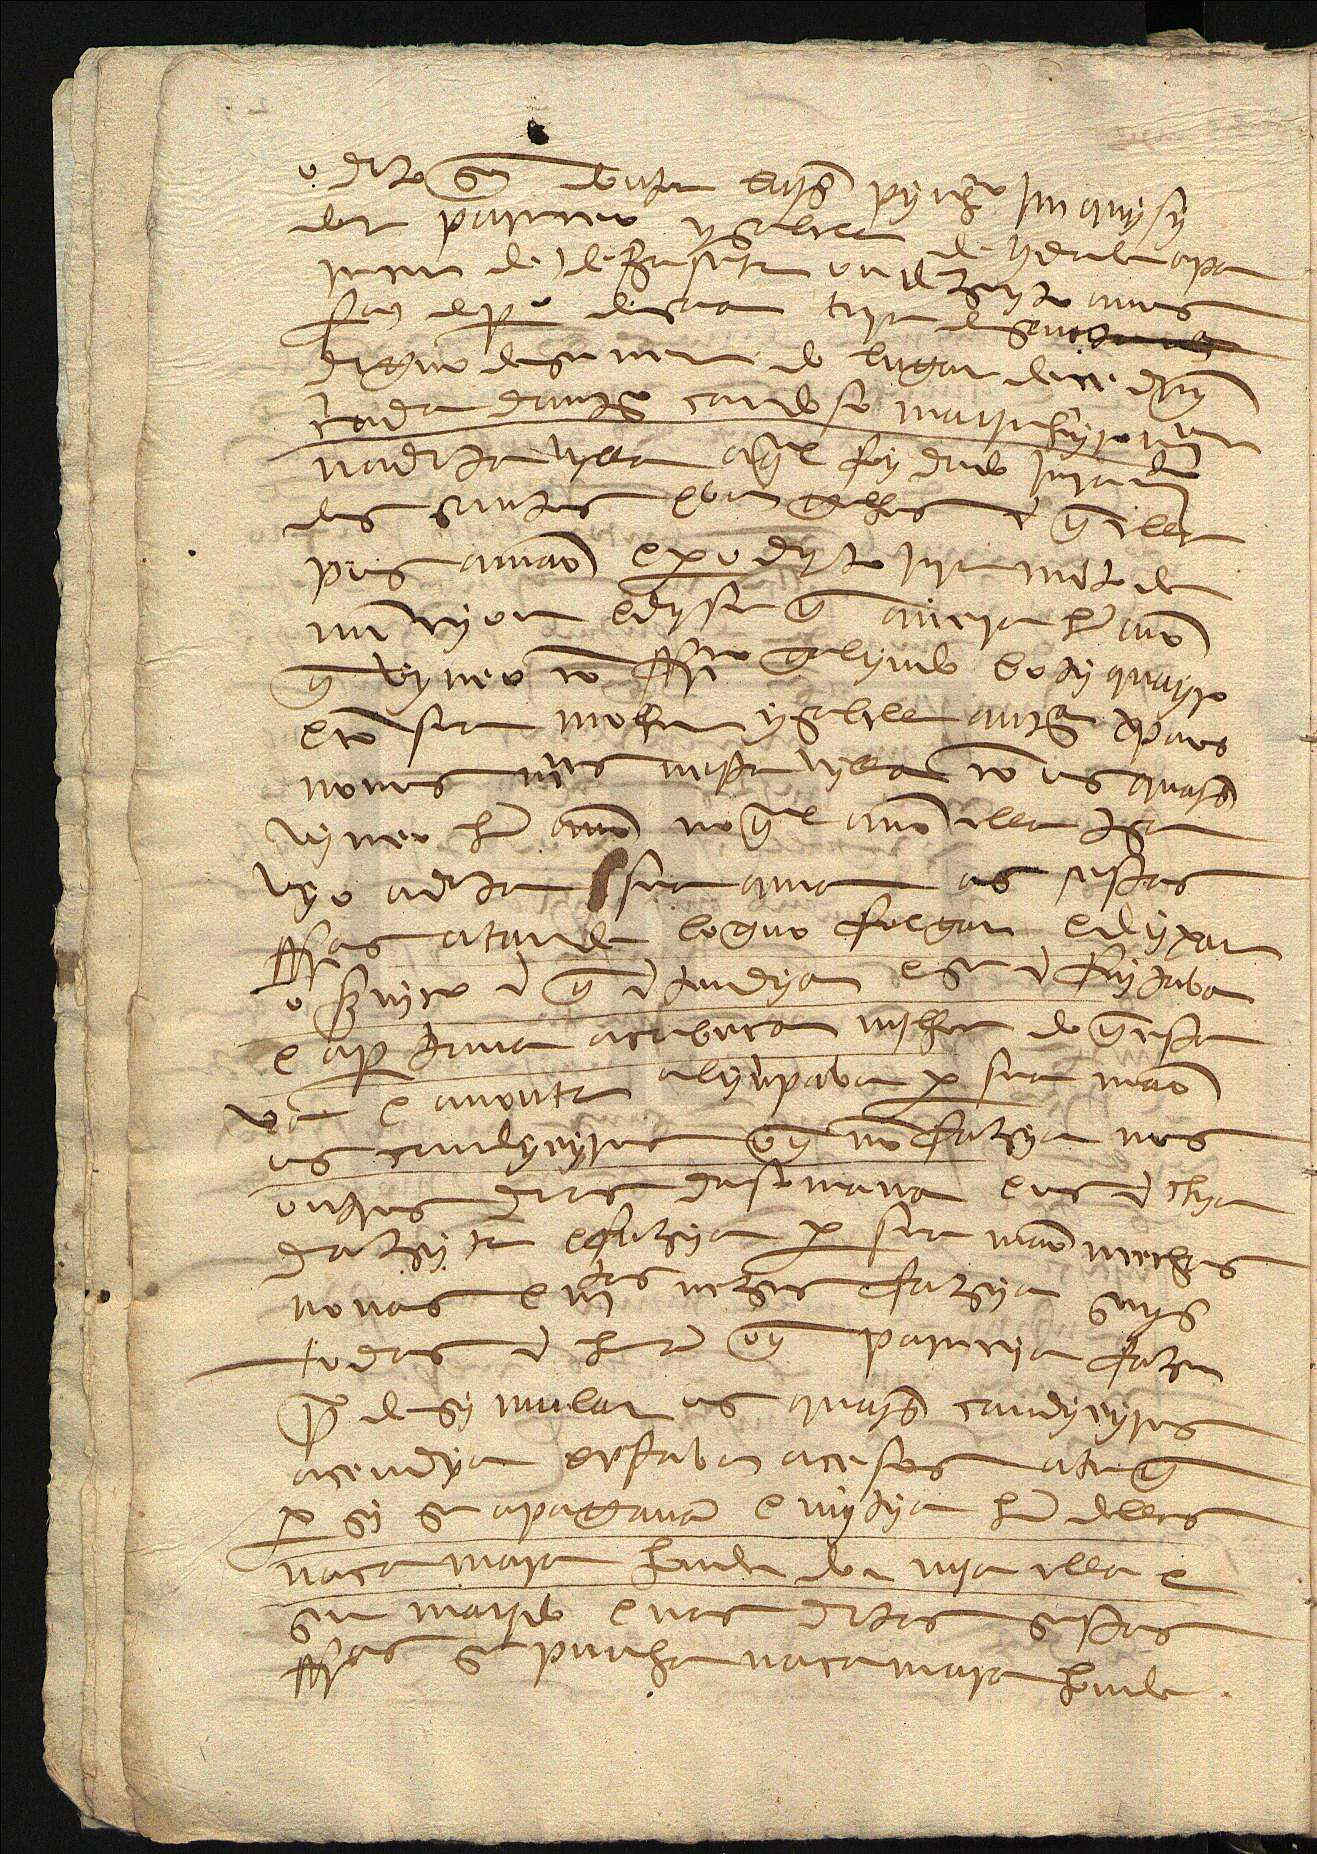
o dito s̄or doutor lujs pynhro Jmquysy
dor pareceo ysabell de ydade a pa
recer de dezasete ou dezoyto anos
fa de po de saa tera de seuer
diguo de seuer do lugar de cedrȳ
ciada danto cardoso marjnheyro mor
na dita vylla a q̄ll foy dado Juramto
dos santos evagelhos ē q̄ ella
pos a mão e ꝑ o dyto Juramēto de
nūcyou e dyse q̄ auera hū anō
q̄ vyueo c̄o ffrco galyndo botyquayro
e c̄o sua molher ysabell anta xpãos
nouos mres nesta vylla c̄o os quajs
vyueo hū an̄o no q̄l an̄o ella ta
vyo a dita sua ama as sestas
ffras a tarde loguo folgar e deyxar
o ꞩuyço ē q̄ ētendya e se ēfeytava
e aꝑtaua a cabeça mjlhor do q̄ esta
va e a noute alynpava ꝑ sua mão
os candyeyros o q̄ n̄o fazya nos
outros dias da somana e os ēchya
dazeyte e fazya ꝑ sua mão mechas
nouas e mtas uezes fazya seys
todas ē huā o q̄ parecya fazer
p̄o desymular os quajs candyeyros
acendya e estavan acesos ate q̄
ꝑ sy se apagauā e mytya hū delles
na camara honde dormja ella e
seu marjdo e nas ditas sestas
ffras se punha na camara honde
